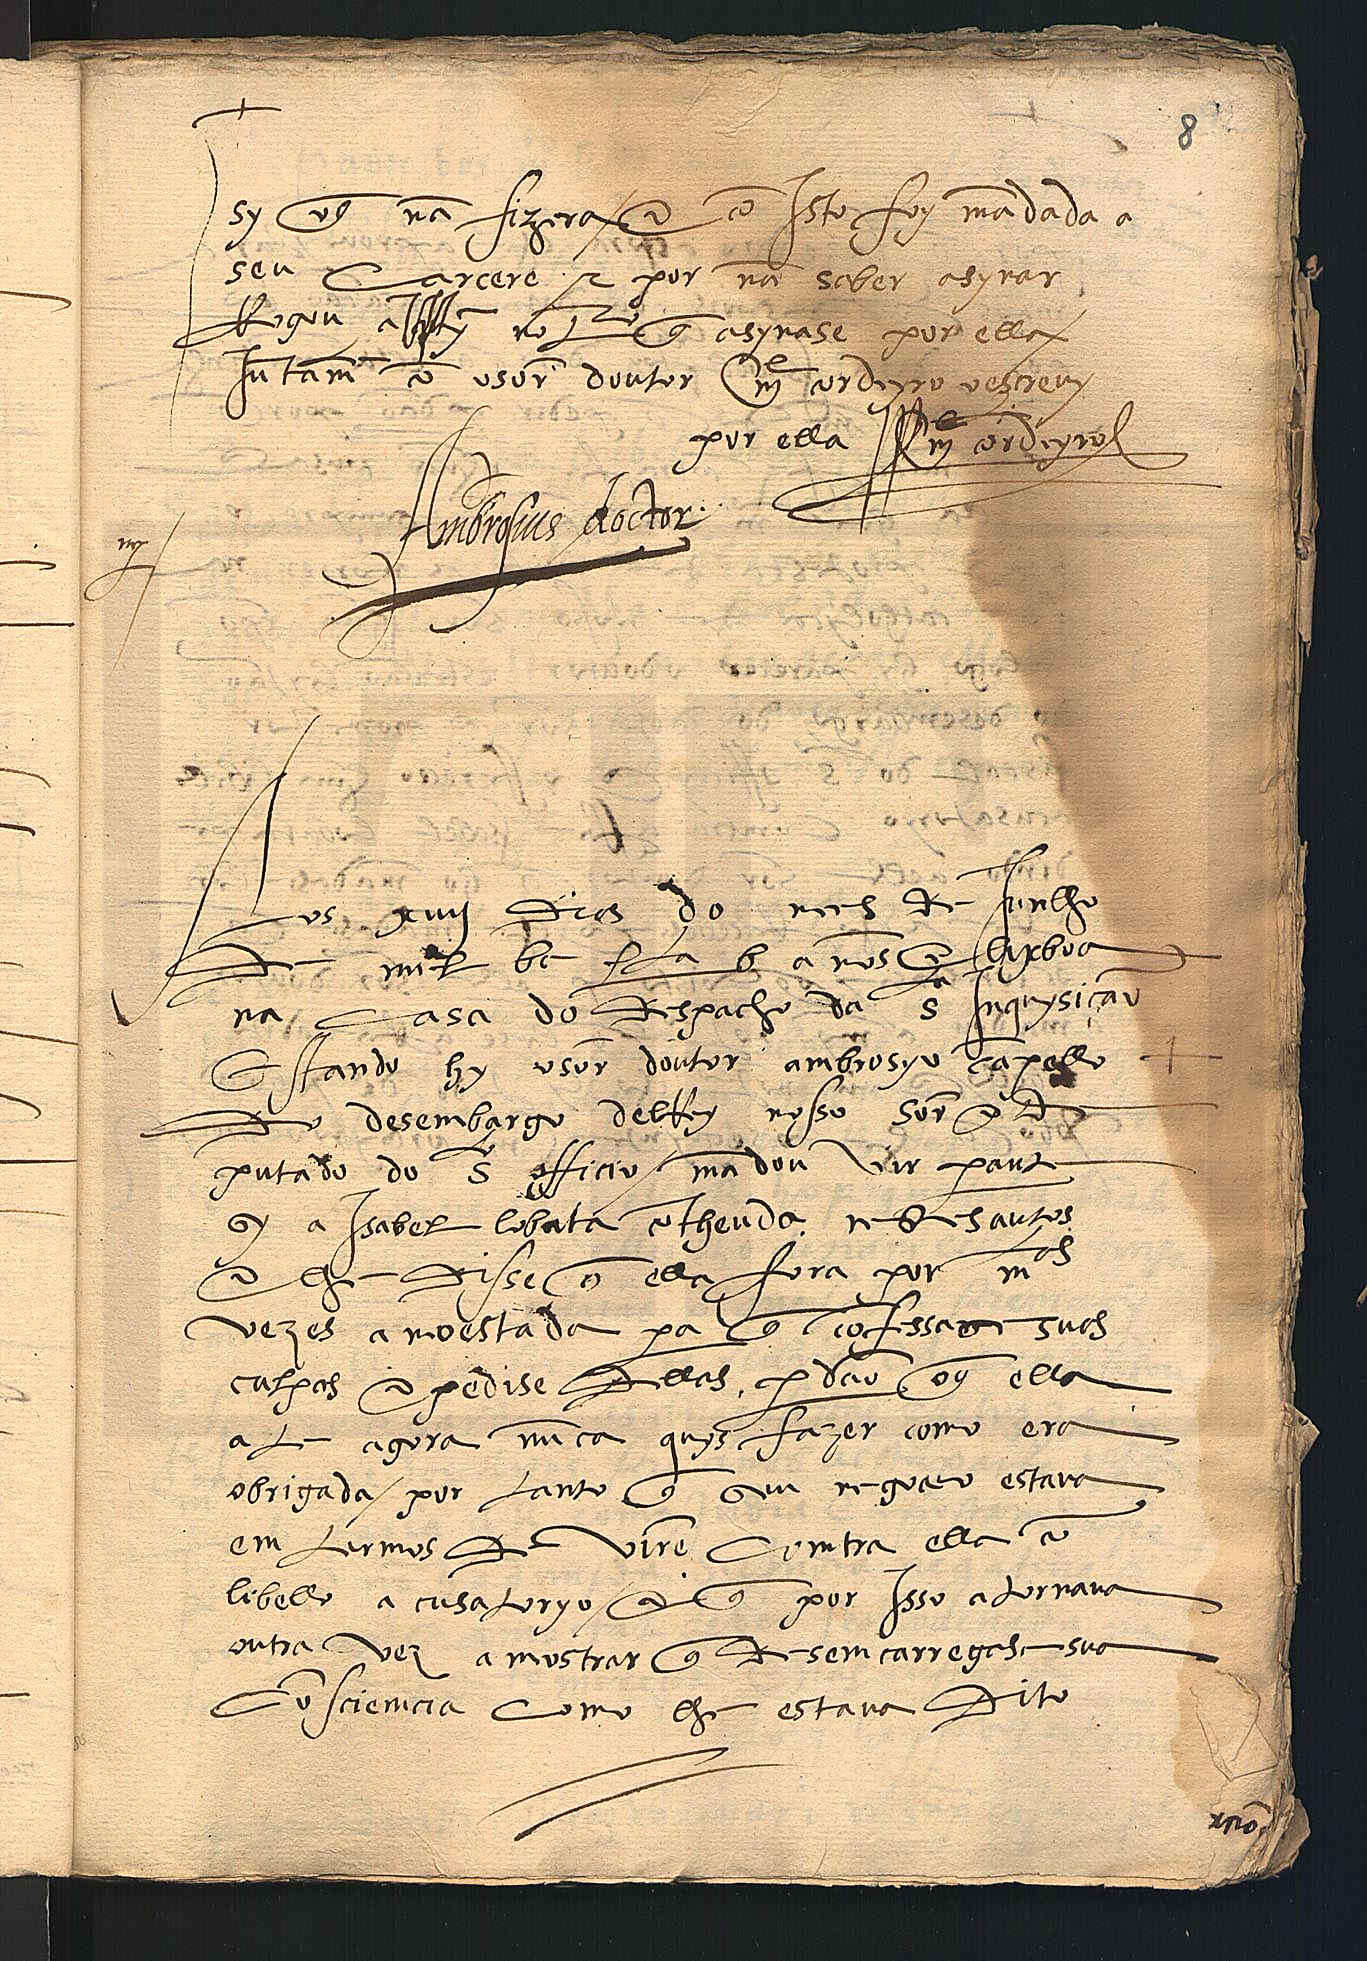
sy o q̅ n̅a fizera / e c̅o Jsto foy m̅adada a
seu Carcere e por n̅a saber asynar
Rogou a My̅ notro q̅ asynase por ella /
Ju̅tamte c̅o o so̅r doutor mel cordeyro o escreuy
Aos xiiij dias do mes de Junlho
de mil bc Lta b an̅os e̅ lixboa
na casa do despacho da sta Jnquysição
Estando hy o so̅r doutor ambrosyo c̅apello
do desembargo del Rey nosso so̅r e de
putado do sto officio m̅adou vir ꝑante
sy a Jsabel lobata c̅otheuda nestes autos
e lhe disse q̅ ella fora por mtas
vezes amoestada ꝑa q̅ c̅ofessase suas
culpas e pedise Dellas ꝑdão o q̅ ella
ate agora n̅uca quys fazer como era
obrigada / por tanto q̅ seu negoceo estaua
em termos de vir̅e comtra ella c̅o
lebello acusatoryo / e̅ q̅ por Jsso a tornaua
outra vez a mostrar q̅ desemcarregase sua
Co̅sciemcia como lhe estaua Dito
